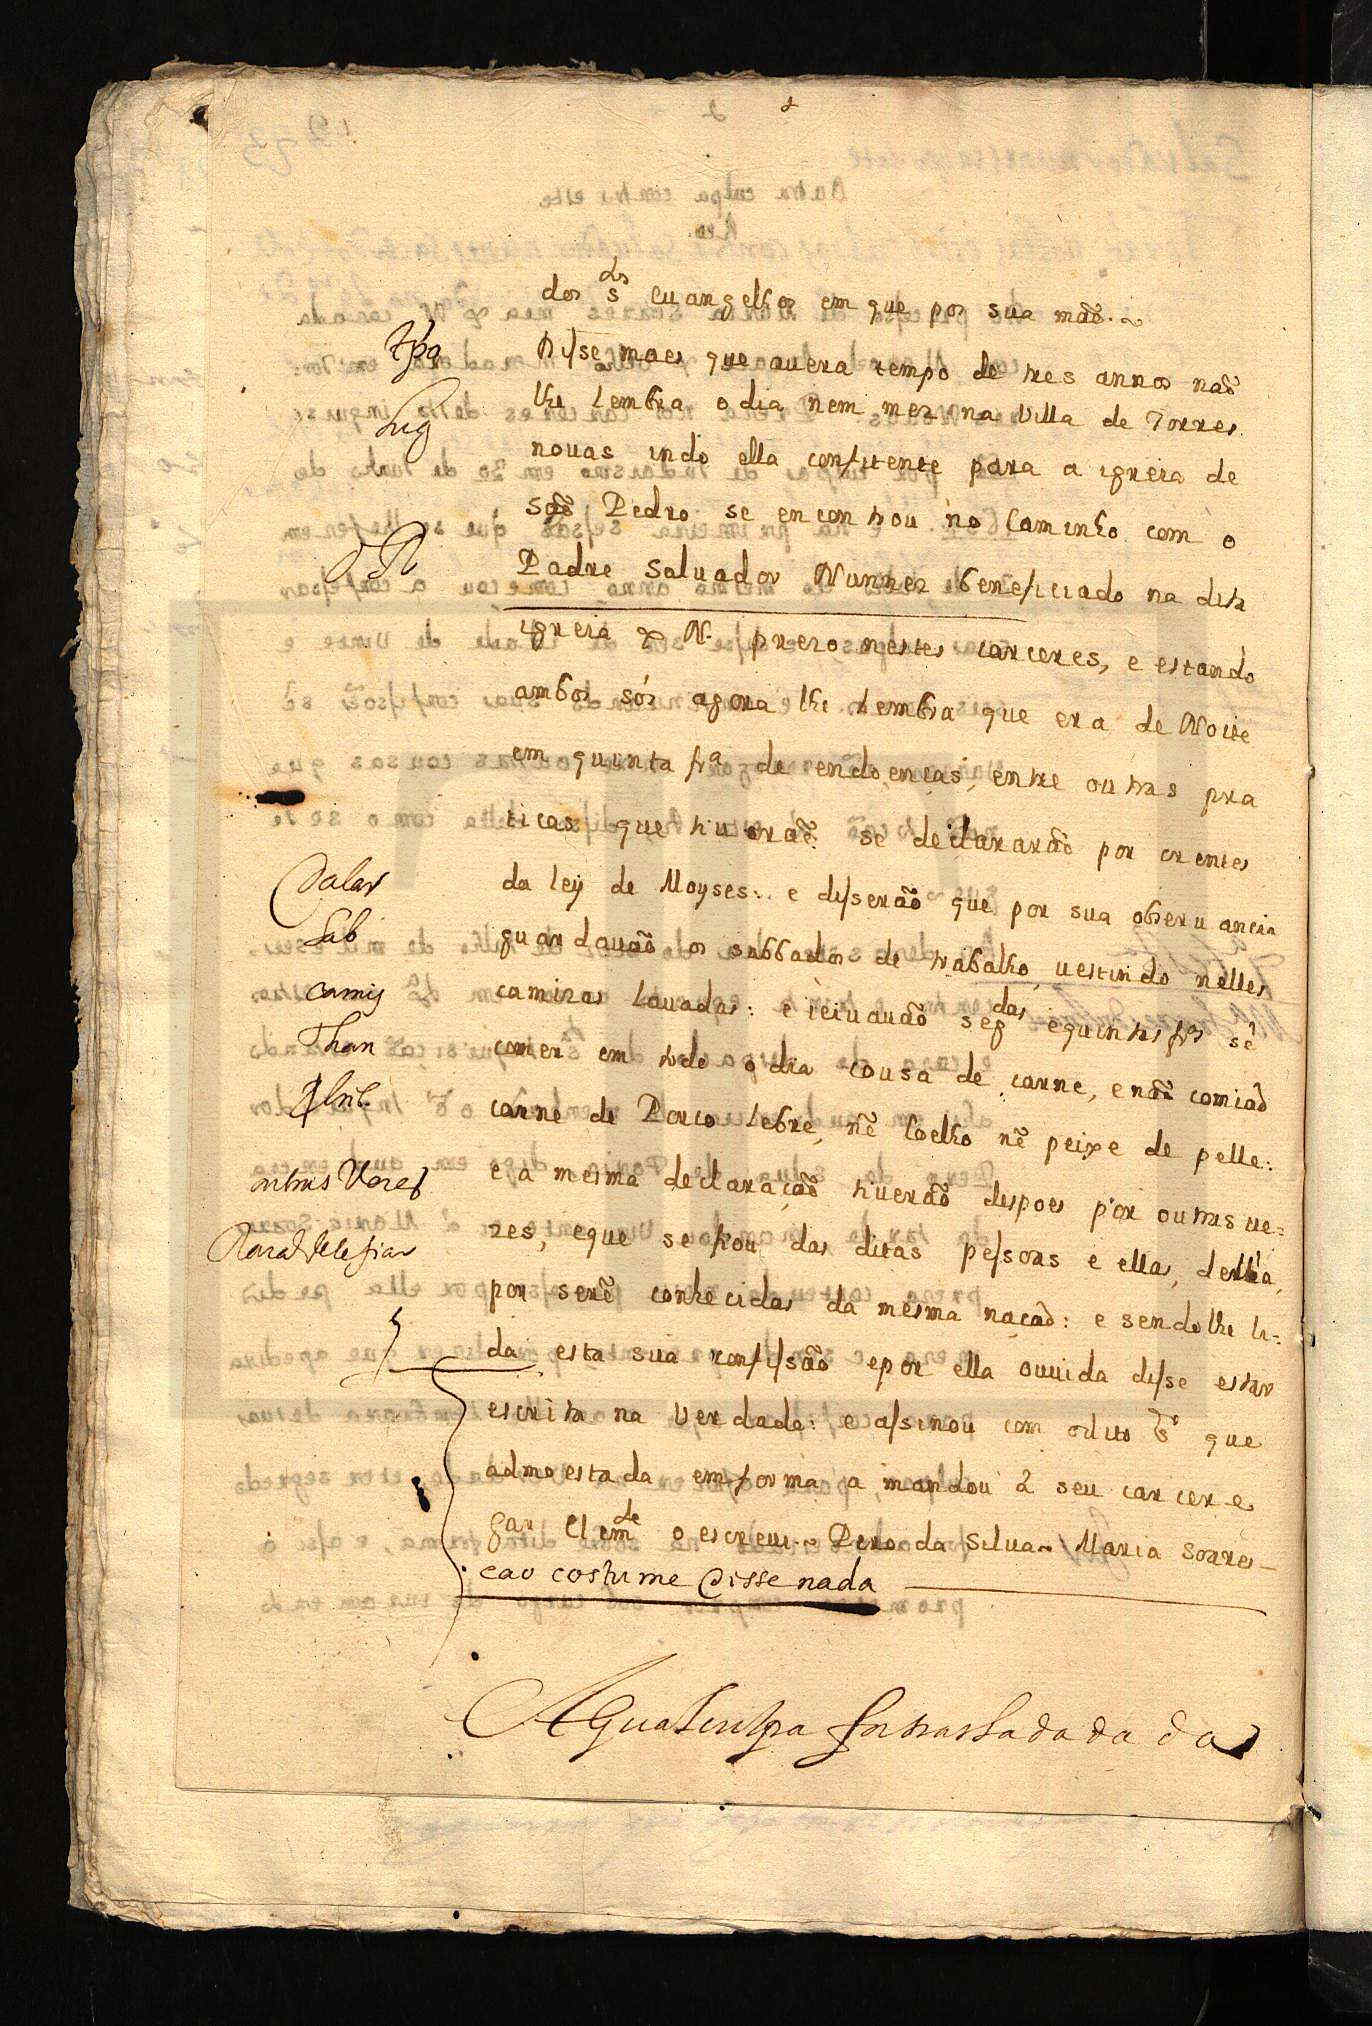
dos Stos euangelhos em que pos sua mãoaõ.
tp̄o
Disse maes que auera tempo de tres annos naõ
lhe lembra o dia nem mez na villa de Torres
Lug
nouas indo ella confitente para a igreia de
são Pedro se encontrou no Caminho com o
o R
Padre Saluador Nunnez beneficiado na dita
igreia x N. prezo nestes carceres, e estando
ambos sós agora lhe lembra que era de Noite
em quinta fra de endoenças, entre outras pra
ticas que tiueraõ se declararãoaõ por crentes
Declar
da ley de Moyses. e desserão que por sua obseruancia
Sab
guardauão os sabbados de trabalho, uestindo nelles
camis
camizas lauadas: e ieiuauão segdas e quintas fras sē
Than
comer em todo o dia cousa de carne, e não comiaõ
carne de Pouco Lebre, nē Coelho nē peixe de pelle
outras Vezes
e a mesma declaração tiuerão despoes por outras ue
Razā de se fiar
zes, e que se fiou das ditas pessoas e ellas delle
por serē conhecidas da mesma naçaõ: e sendo lhe li
da esta sua confissão e por ella ouuida disse estar
escrita na verdade e assinou com o dito sor que
admoestada em forma a mandou á seu carcere
Gar Clemte o escreui - Pero da Silua - Maria Soares
e ao costume disse nada
A qual culpa foi trasladada da
